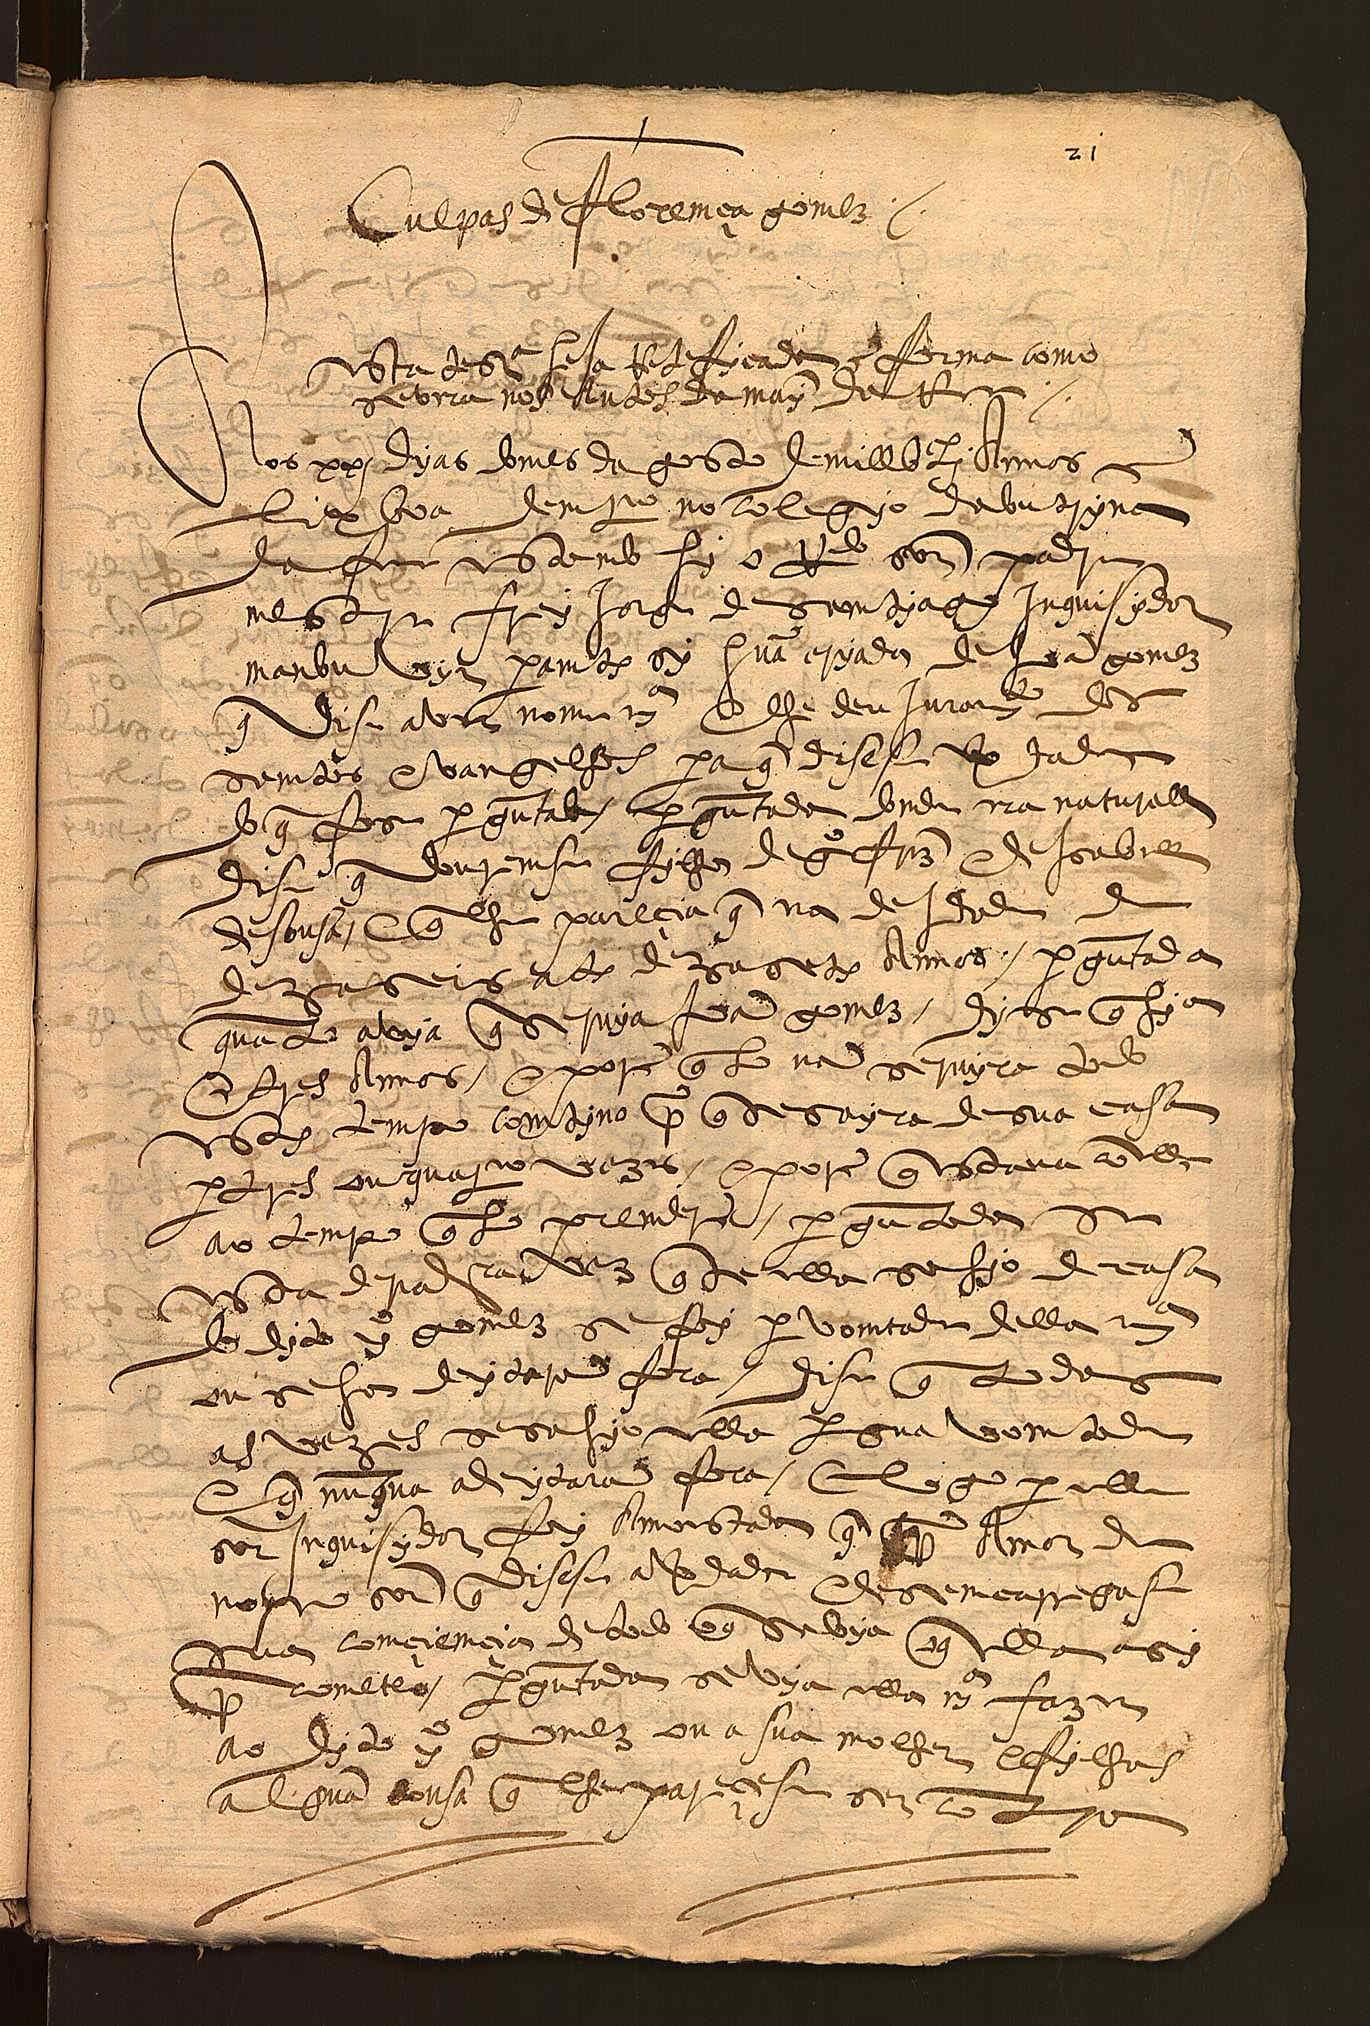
Culpas de floremça gomez ./.
esta testa SeJa Retefycada ē forma como
se vera nos Autos da maỹ da Ree ./.
Aos xxj dyas do mes dagosto de mill bc Lj Annos ē
lixboa demtro no colegyo da doutryna
da fee estando hy o Rdo sōr padre
mestre frey Jorge de samtyago Jnquisydor
mandou vyr ꝑamte sy huā cryada de Joā gomez
q̄ dise aver nome ma e lhe deu Juramto dos
samtos evangelhos ꝑa q̄ disese ꝟdade
do q̄ fose ꝑḡutada/ ꝑḡutada donde era naturall
dise q̄ douremse fylha de go frz̄ e de Jsabell
de sousa / e q̄ lhe pareçia q̄ era Jdade de
dezaseis ate dezasete Annos ./ ꝑḡutada
q̄uato avya q̄ seruya Joā gomez / dyse q̄ hya
ē tres Annos / e porē q̄ ho nā seruyra todo
este tempo comtyno p̄o q̄ se sayra de sua casa
ꝑ tres ou quatro vezes / e porē q̄ estaua c̄o elle
ao tempo q̄ ho prenderē / ꝑḡutada se
esta deradjra vez q̄ se ella sahyo de casa
do dyto yo gomez se foy ꝑ vomtade della ma
ou se ha deytarā fora / dise q̄ todas
as vezes se sahyo ella ꝑ sua vomtade
e q̄ n̄uqua a deytarā fora / E logo ꝑ elle
sōr Jnquisydor foy Amoestada q̄ p̄o Amor de
nosso sōr q̄ disese a ꝟdade e desemcarregase
sua comçiemçia de todo o q̄ sabya o q̄ ella asy
p̄rometeo / ꝑḡutada se vya ella ma fazer
ao dyto yo gomez ou a sua molher e fylhas
alguā cousa q̄ lhe pareçese ser c̄otra
